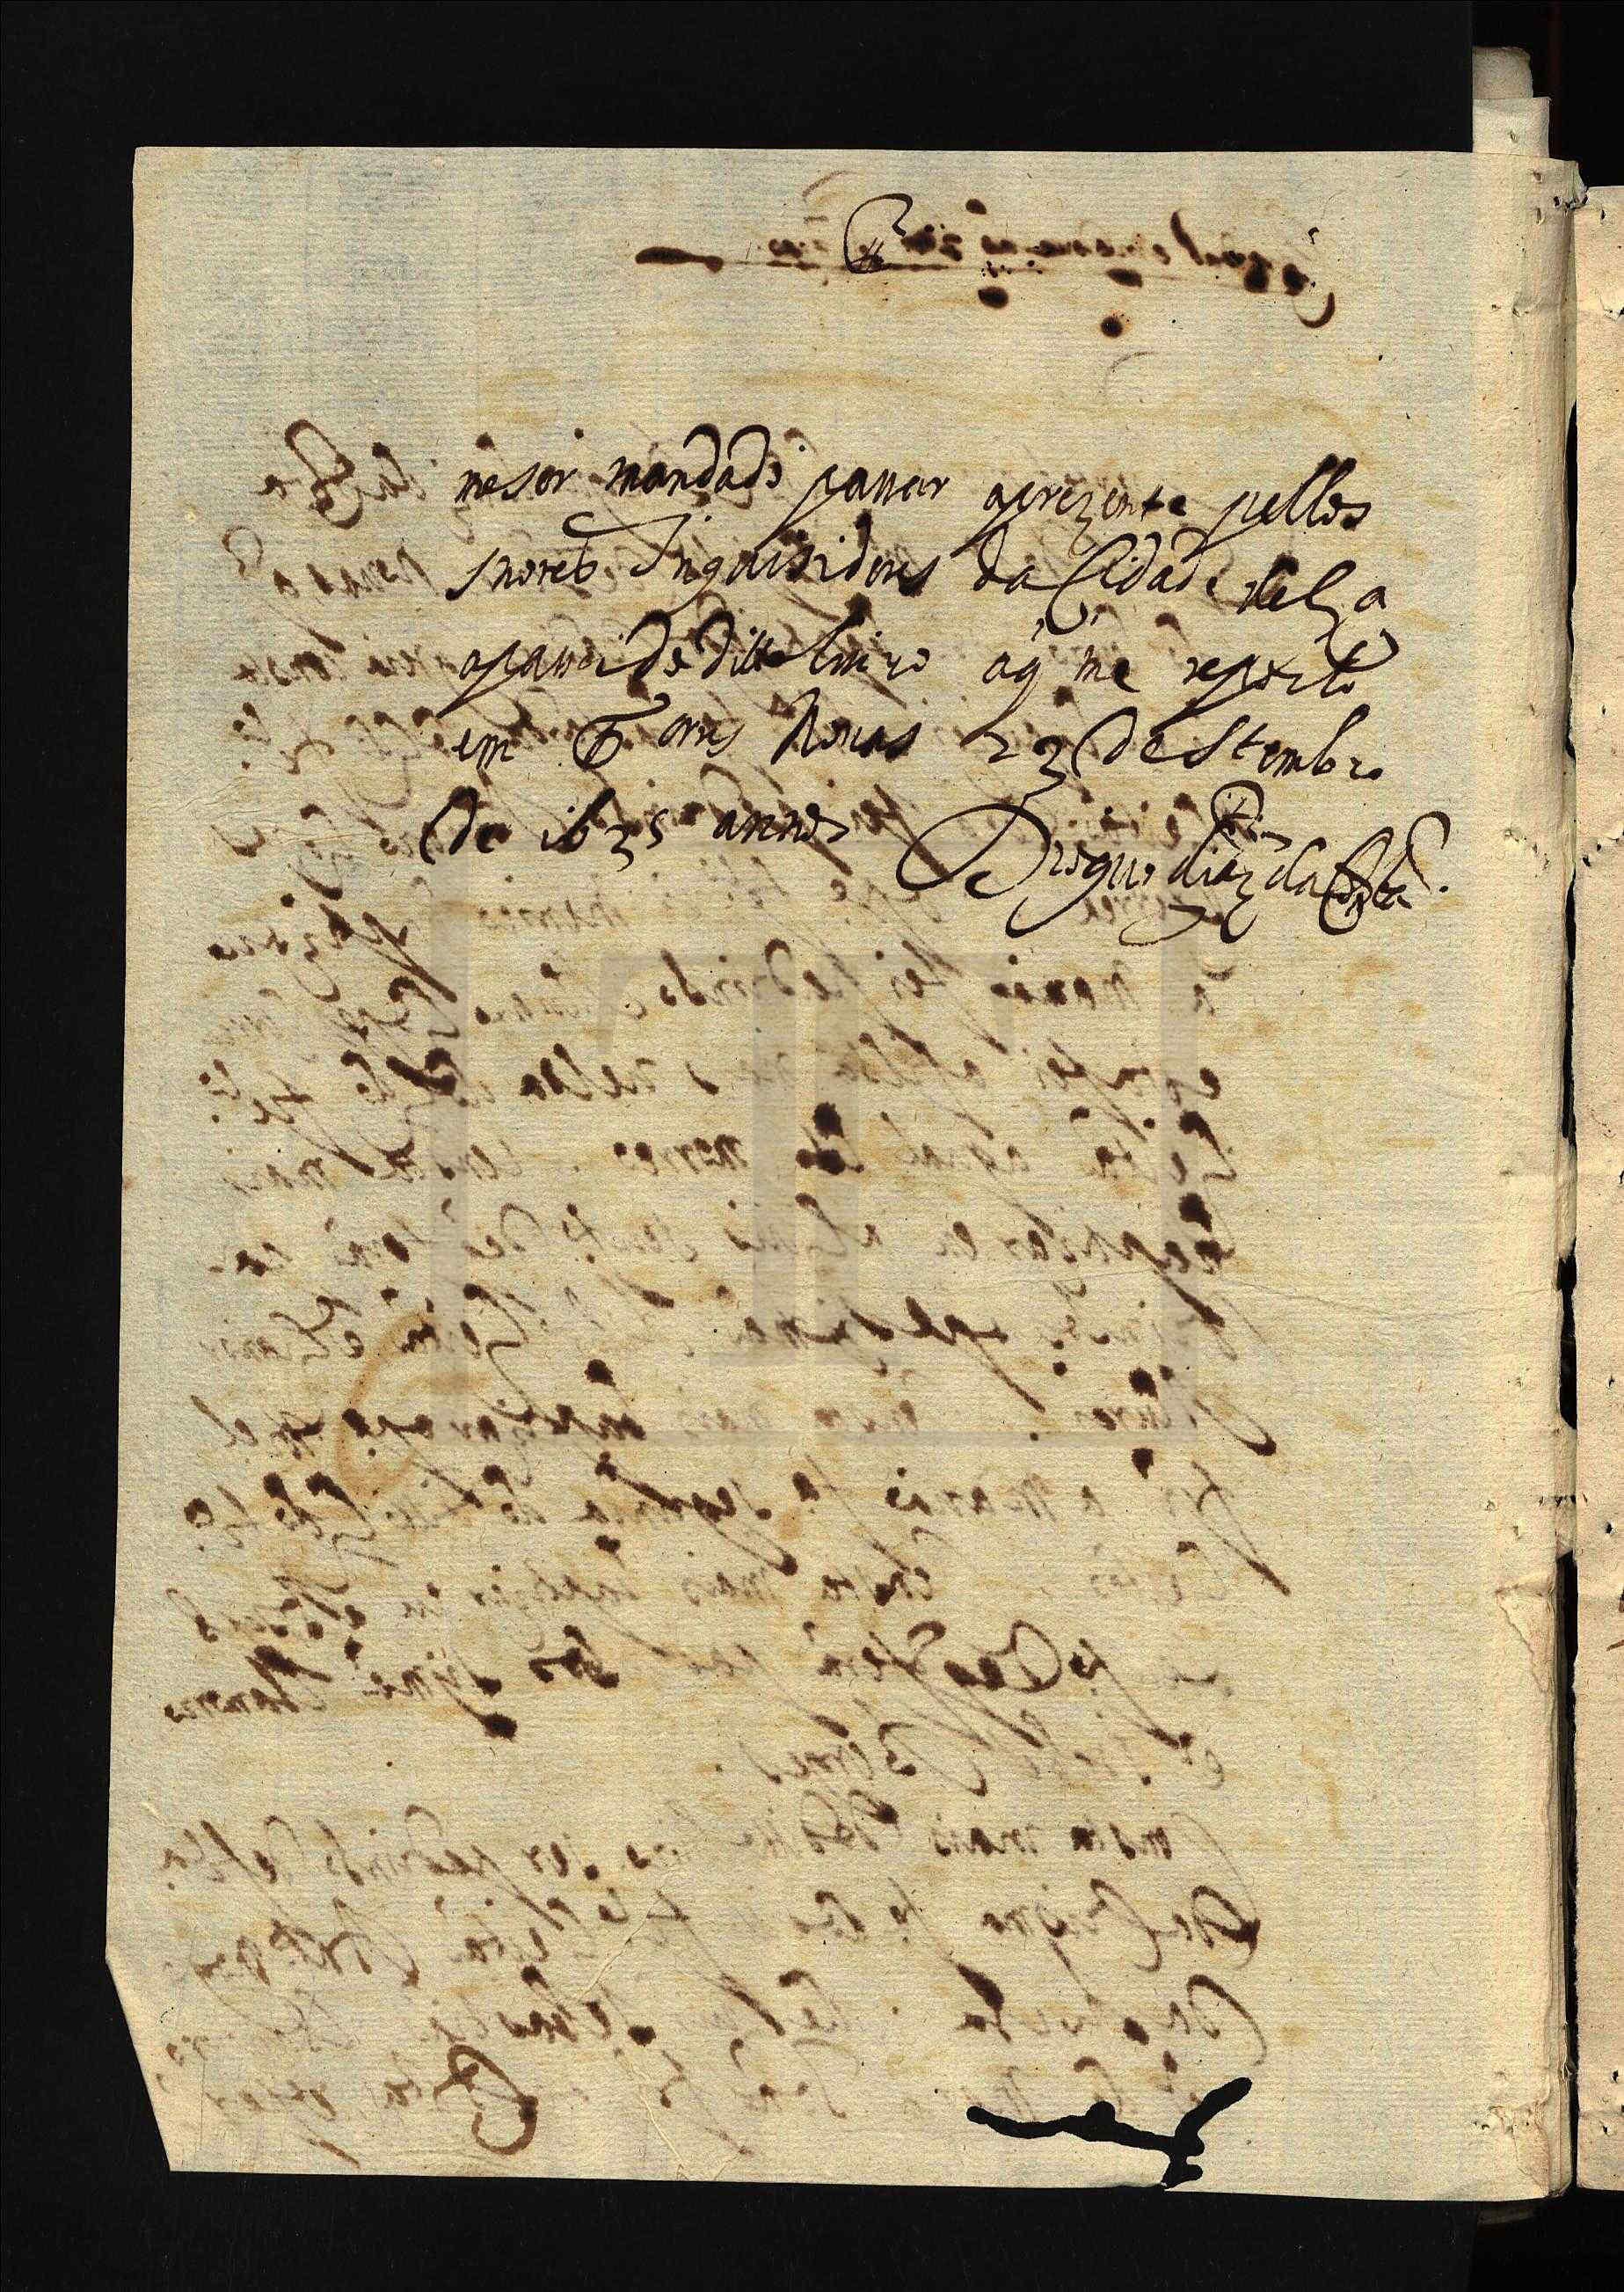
me ser mandado passar a prezente pellos
snores̄ Inquisidores da Cidade de La
a passei do ditto liuro a q̄ me reporto
em Torres Nouas 23 de stembro
de i635 annos
Dioguo diaz da Costa
